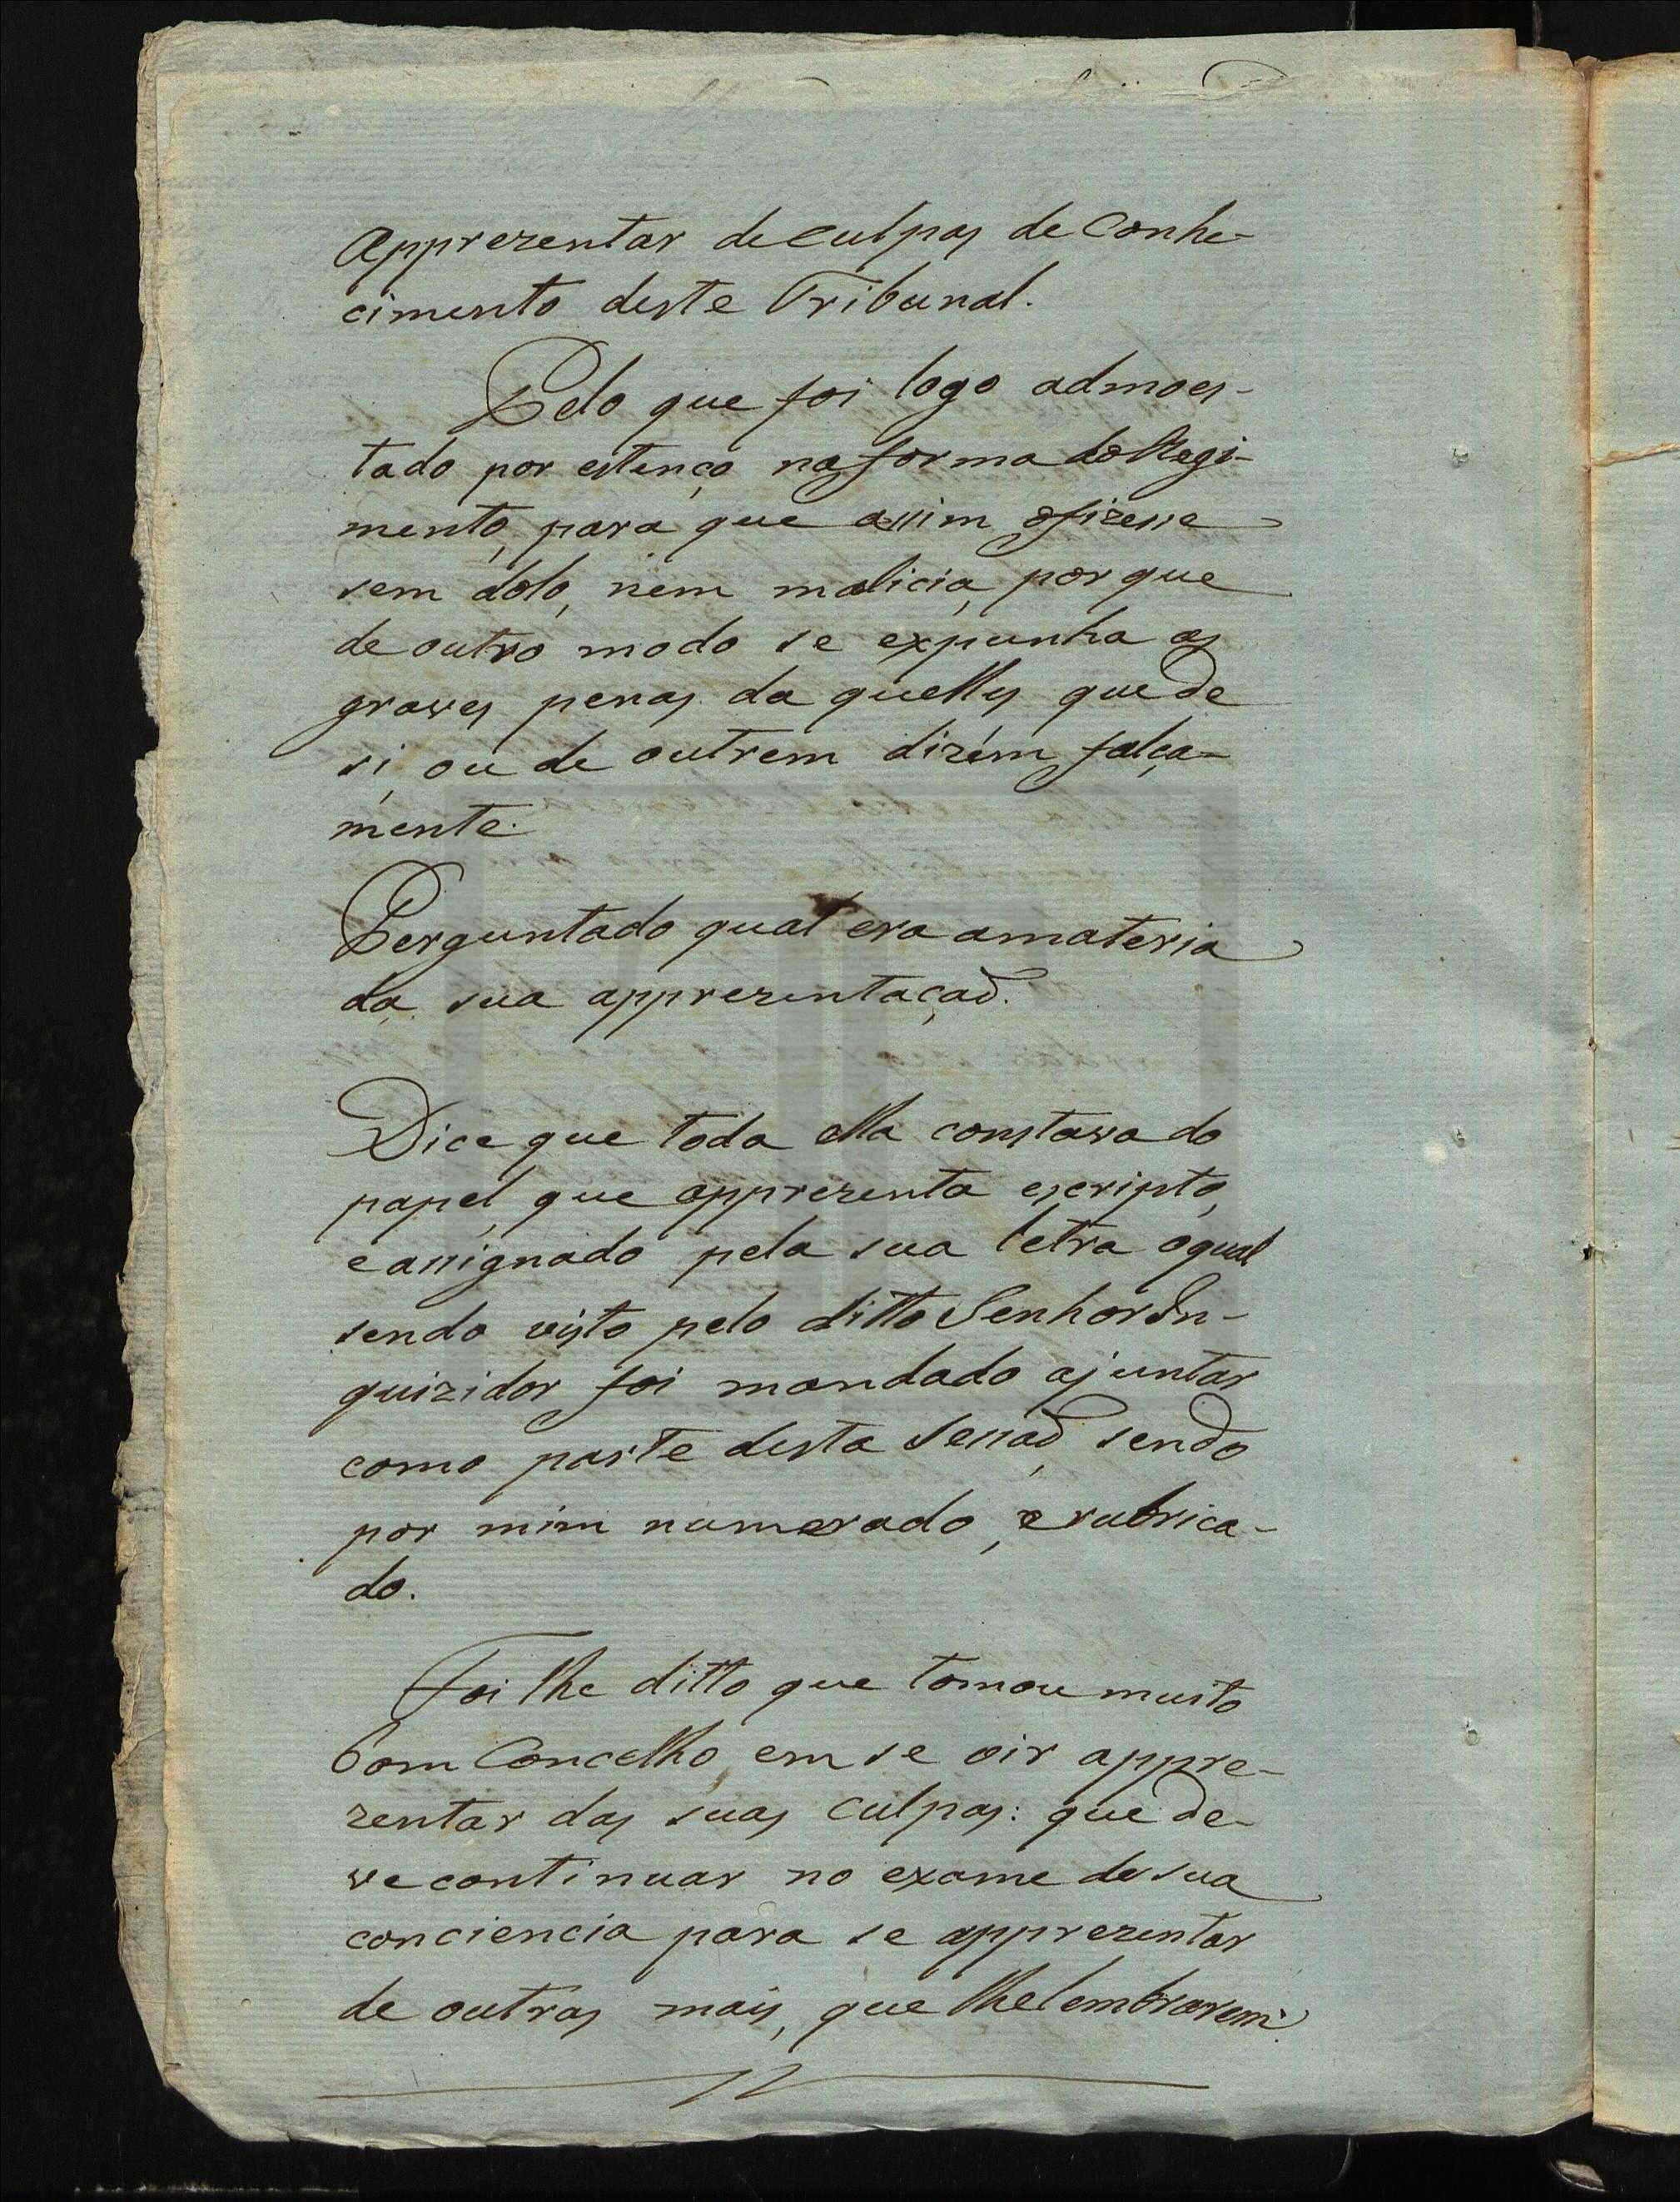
apprezentar de culpas de conhe
cimento deste Tribunal.
Pelo que foi logo admoes
tado por estenço na forma do Regi
mento, para que assim o fizesse
sem dolo, nem malicia, porque
de outro modo se expunha as
graves penas daquelles que de
si, ou de outrem dizém falça
mente.
Perguntado qual era a materia
da sua apprezentaçaõ.
Dice que toda ella constava do
papel, que apprezenta escripto,
e assignado pela sua letra o qual
sendo visto pelo ditto Senhor In
quizidor foi mandado ajuntar
como parte desta sessaõ, sendo
por mim numerado, e rubrica
do.
Foi lhe ditto que tomou muito
bom Concelho, em se vir appre
zentar das suas culpas: que de
ve continuar no exame de sua
conciencia para se apprezentar
de outras mais, que lhe lembrarem
